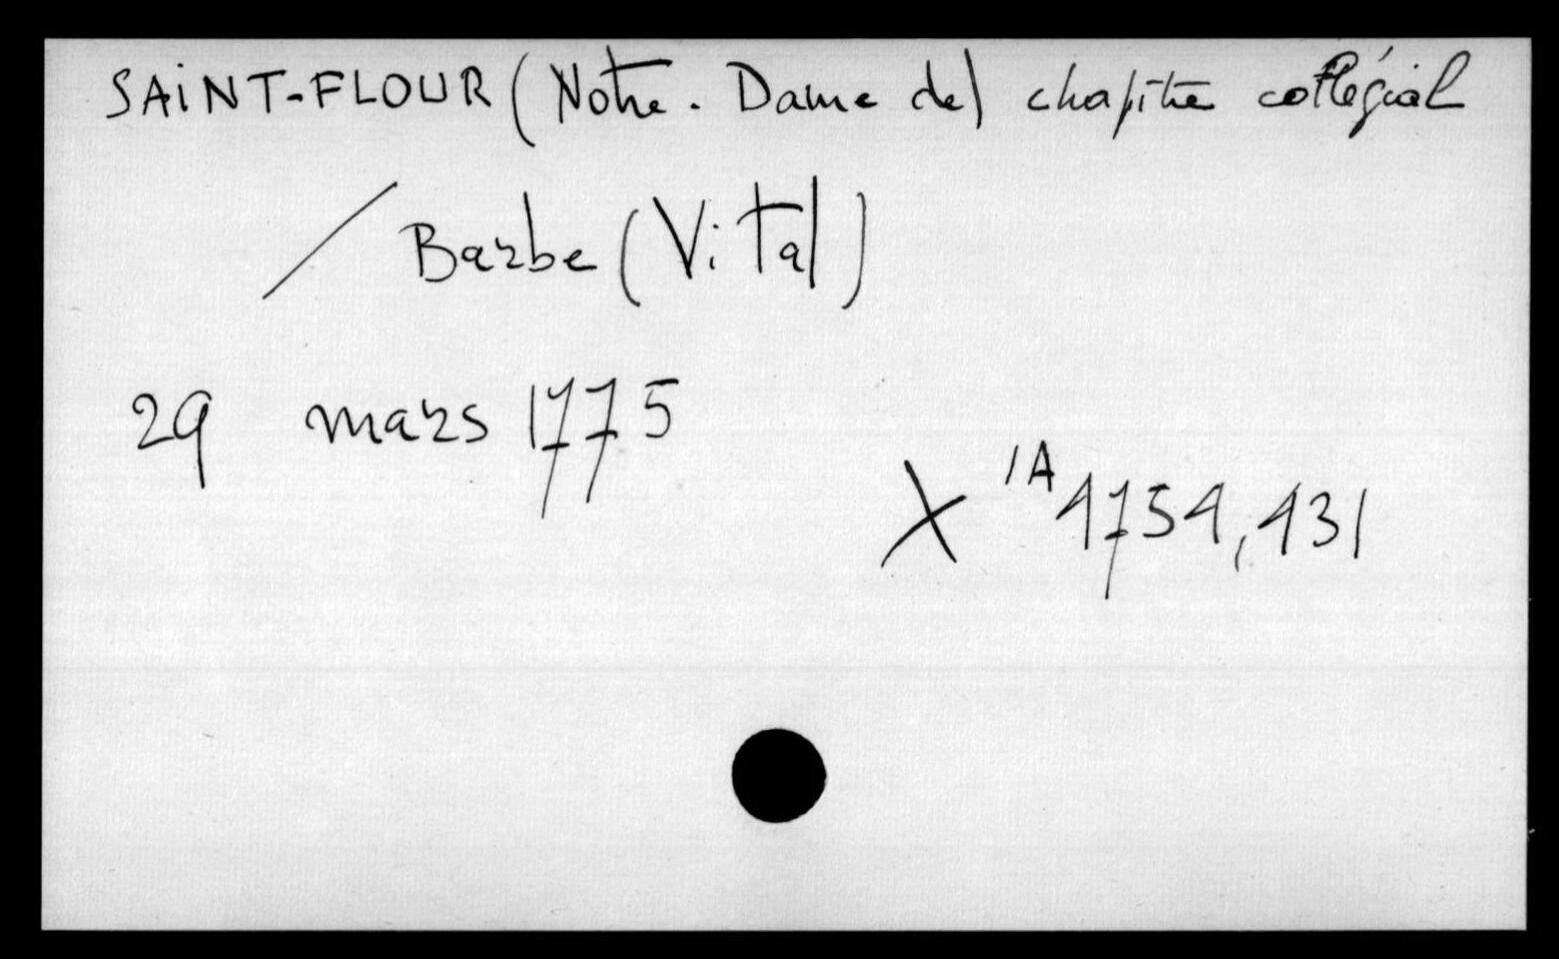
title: SAINT-FLOUR (Notre-Dame de) chapitre collégial
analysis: Contre Barbe (Vital)
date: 29 mars 1775
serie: X1A
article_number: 4754
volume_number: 431
